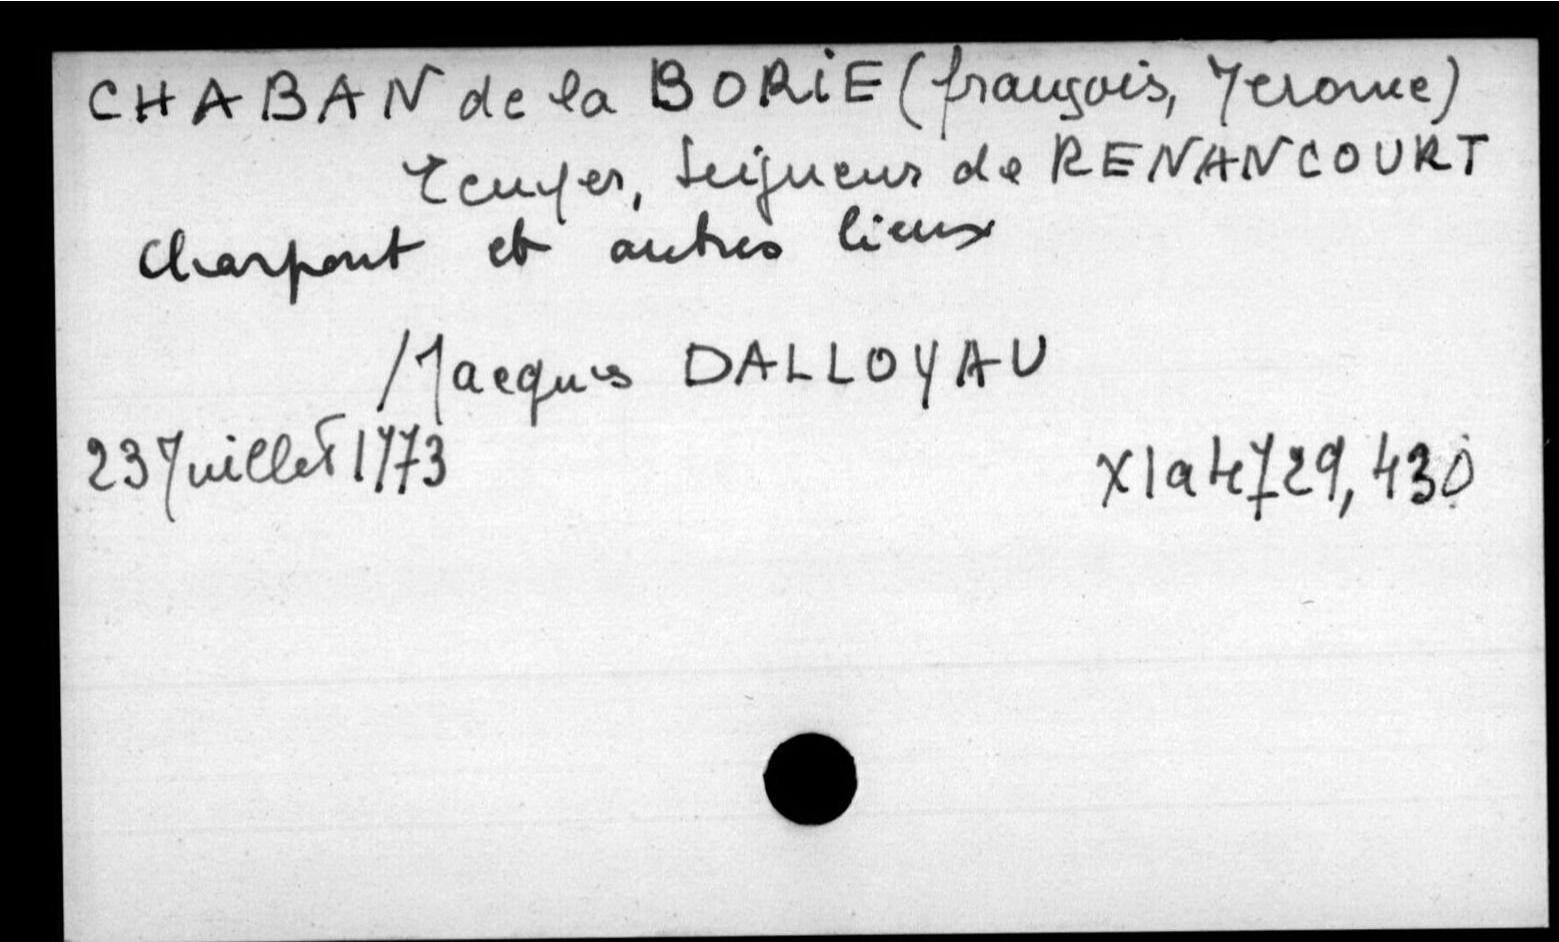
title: CHABAN de la BORIE (François, Jérome) Ecuyer, seigneur de RENANCOURT, Charpont et autres lieux
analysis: ohntre Jacques DALLOYAU
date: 23 juillet 1773
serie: X1a
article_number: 4729
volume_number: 430
